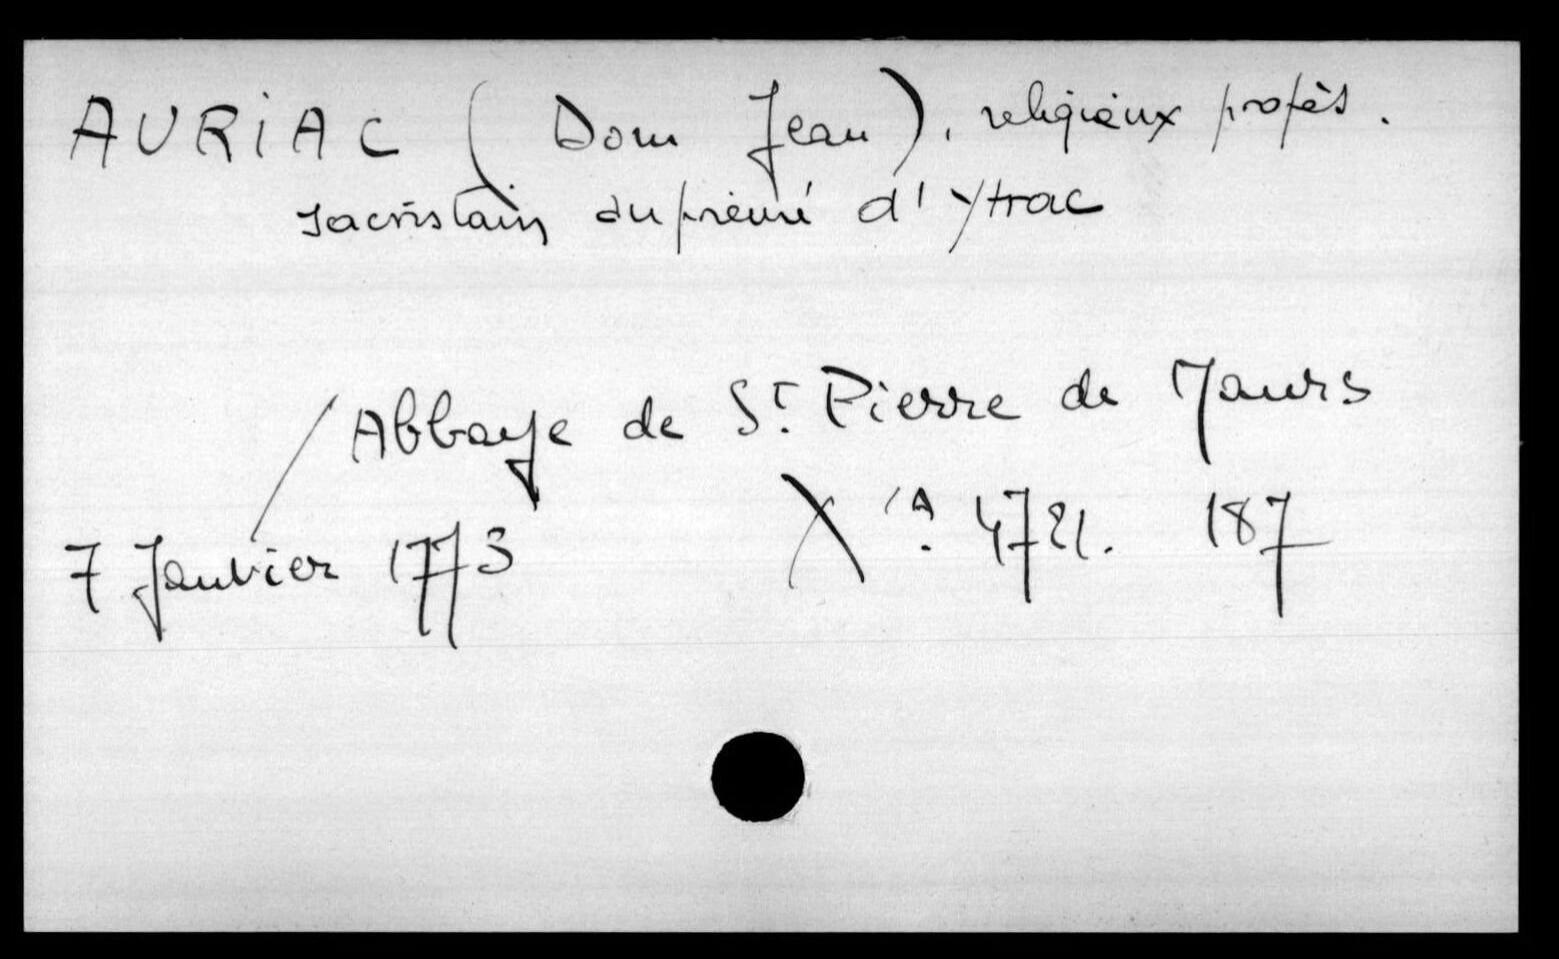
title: AURIAC (Dom jean), religieux professeur sacristain du prieuré d'Ytrac
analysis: Contre Abbaye de Saint-Pierre de Maurs
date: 7 janvier 1773
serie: X1A
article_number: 4721
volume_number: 187
